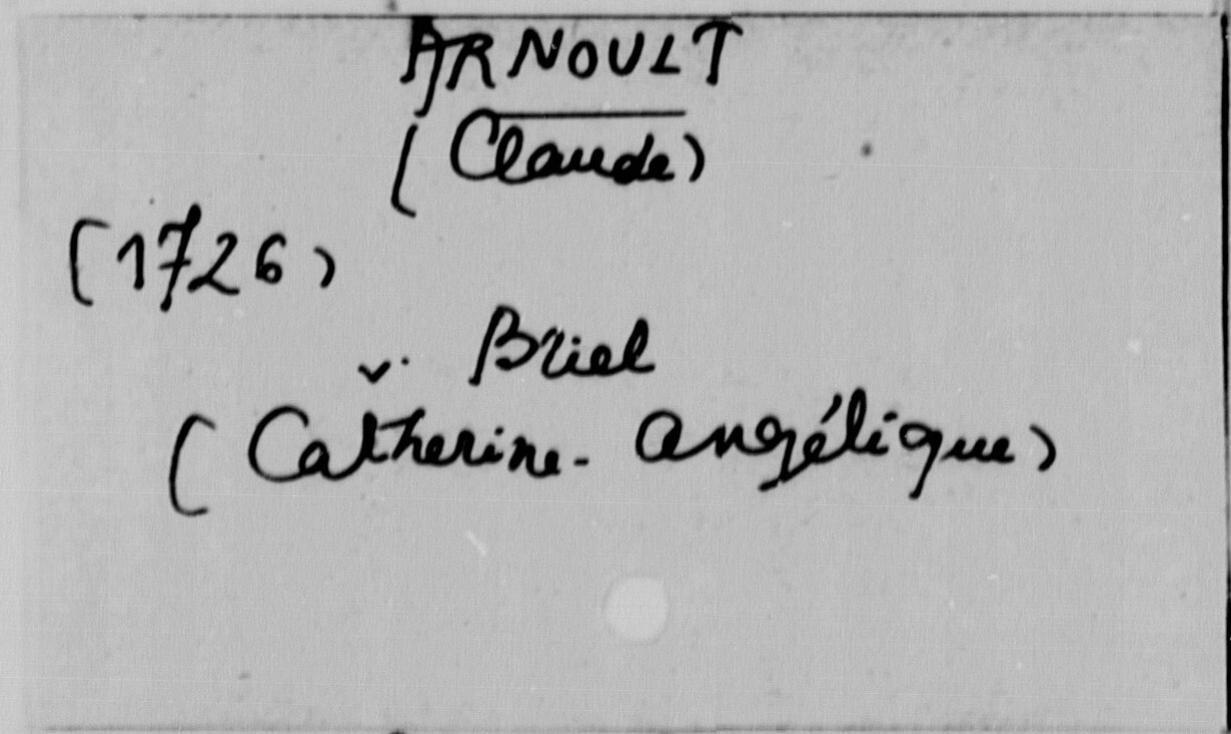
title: ARNOULT (Claude)
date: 1726
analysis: Voir BRIEL (Catherine-Angélique)
